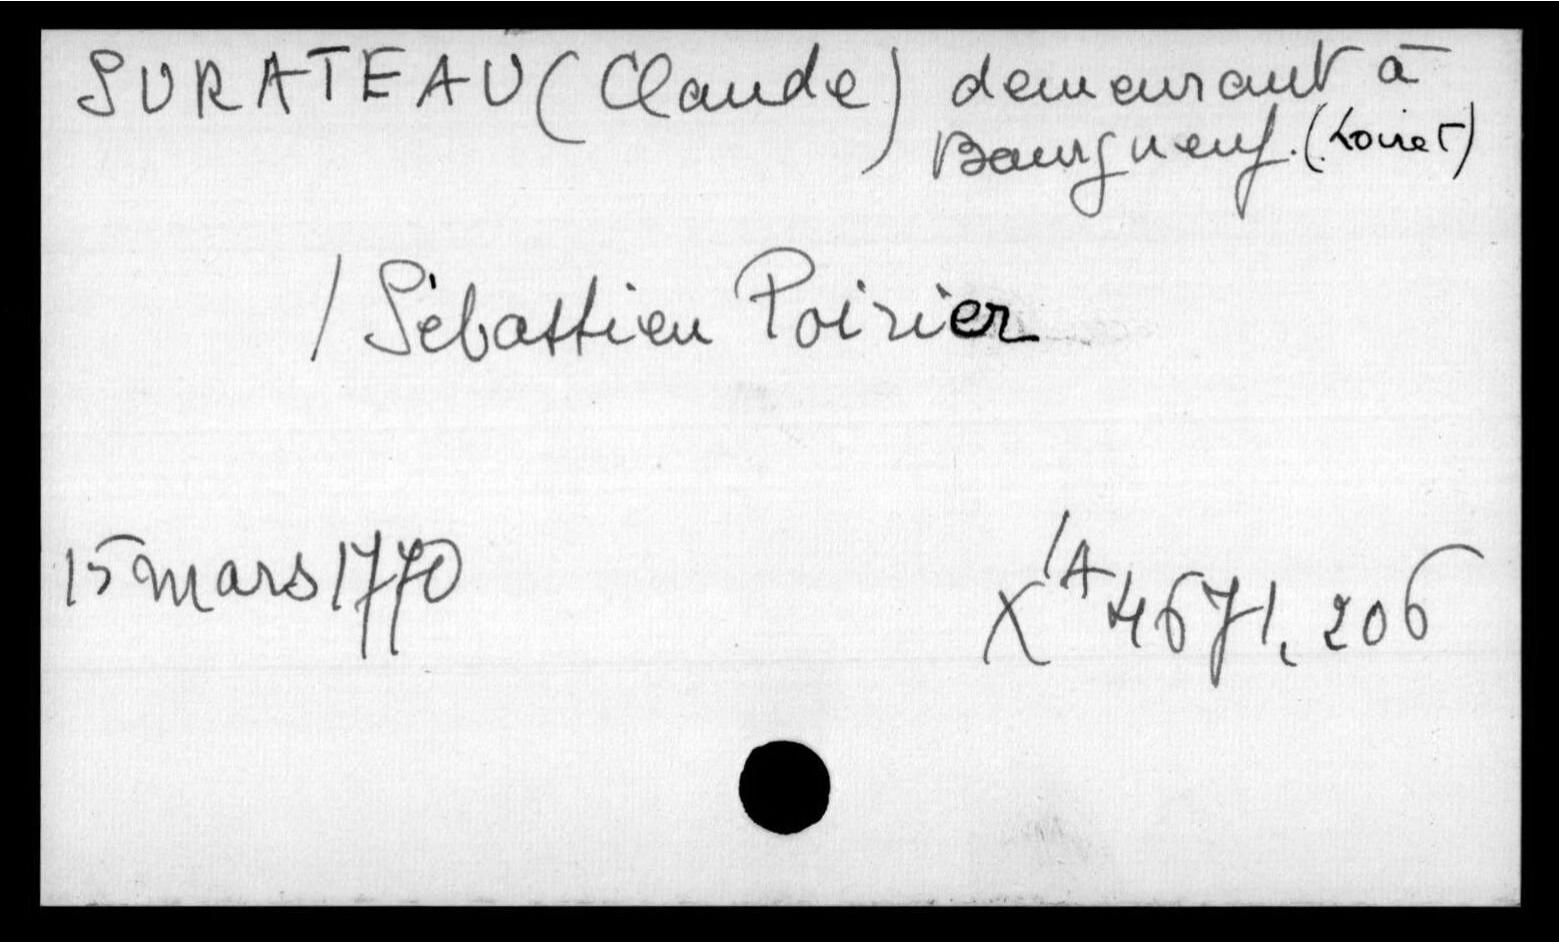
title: SURATEAU (Claude) demeurant à Bourgneuf (Loiret)
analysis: Contre Sébastien Poirier
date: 15 mars 1770
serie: X1A
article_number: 4671
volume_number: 206
